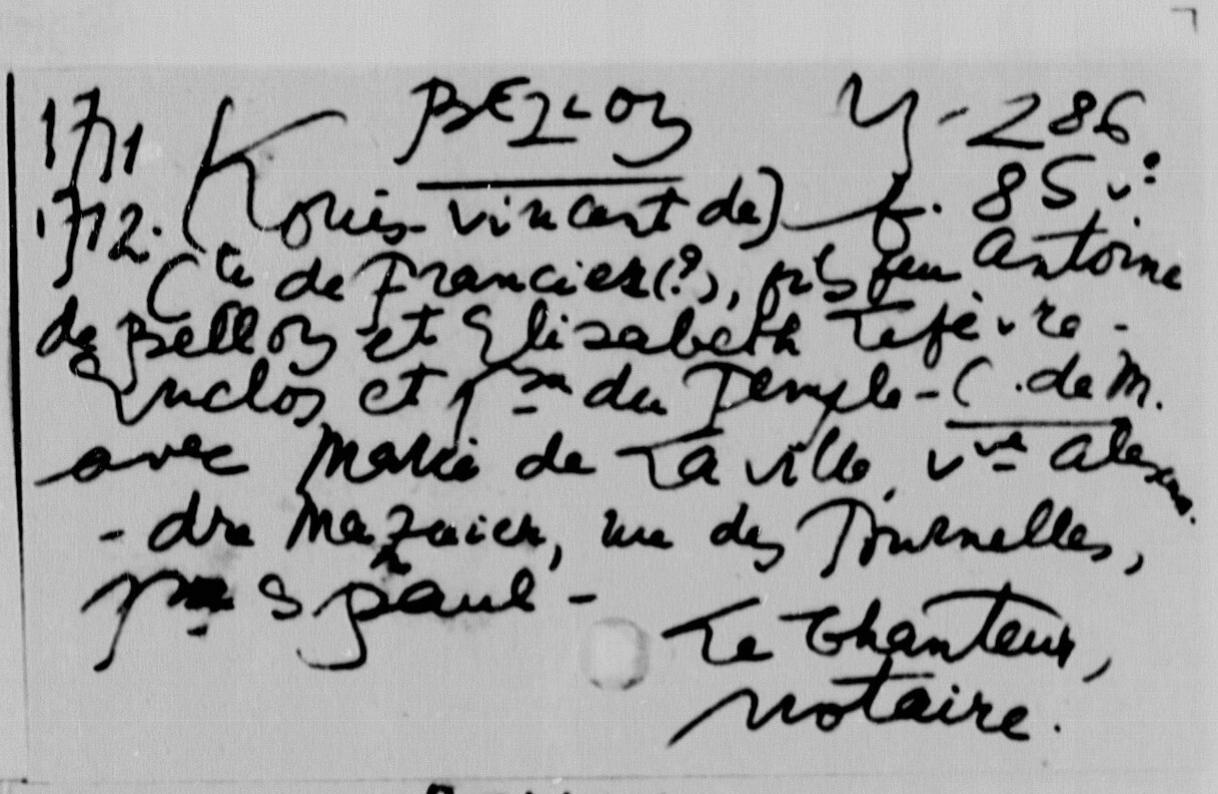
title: BELLOY (Louis-Vincent de)
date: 1711-1712
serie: Y
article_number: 286
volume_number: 85v
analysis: Comte de Francier (?), fils feu Antoine de Belloy et Elisabeth Lefèvre. Enclos et paroisse du Temple Contrat de mariage avec Marie de Laville, veuve Alesandre Mazuier, rue des Tournelles, paroisse Saint-Paul. Le Chanteur, notaire.
